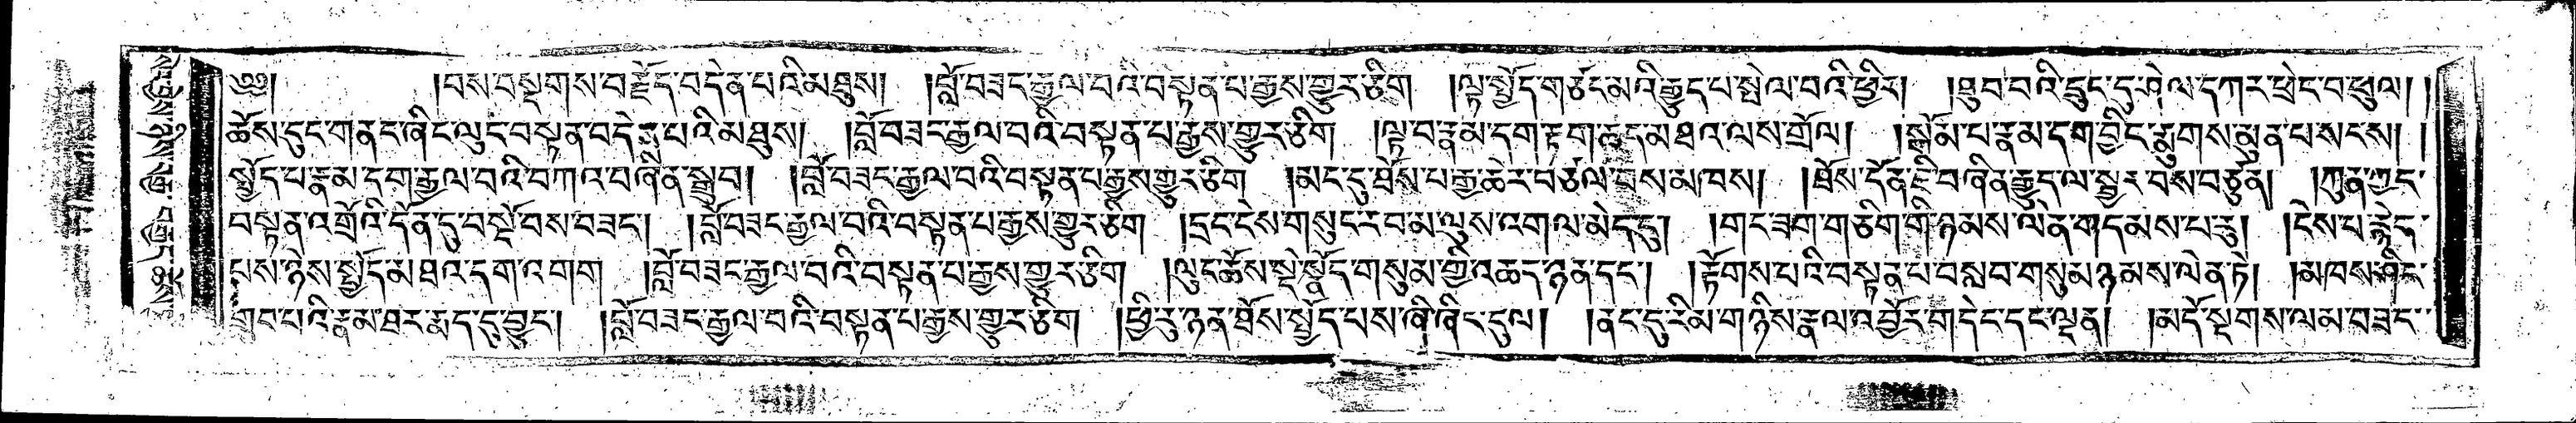༄༅། །བས་བསྔགས་བརྗོད་བདེན་པའི་མཐུས། །བློ་བཟང་རྒྱལ་བའི་བསྟན་པ་རྒྱས་གྱུར་ཅིག །ལྟ་སྤྱོད་གཙང་མའི་རྒྱུད་པ་སྤེལ་བའི་ཕྱིར། །ཐུབ་པའི་དྲུང་དུ་ཤེལ་དཀར་ཕྲེང་བ་ཕུལ། །
ཆོས་དུང་གནང་ཞིང་ལུང་བསྟན་བདེན་པའི་མཐུས། །བློ་བཟང་རྒྱལ་བའི་བསྟན་པ་རྒྱས་གྱུར་ཅིག །ལྟ་བ་རྣམ་དག་རྟག་ཆད་མཐའ་ལས་གྲོལ། །སྒོམ་པ་རྣམ་དག་བྱིང་རྨུགས་མུན་པ་སངས། །
སྤྱོད་པ་རྣམ་དག་རྒྱལ་བའི་བཀའ་བཞིན་སྒྲུབ། །བློ་བཟང་རྒྱལ་བའི་བསྟན་པ་རྒྱས་གྱུར་ཅིག །མང་དུ་ཐོས་པ་རྒྱ་ཆེར་བཙལ་བས་མཁས། །ཐོས་དོན་ཇི་བཞིན་རྒྱུད་ལ་སྦྱར་བས་བཙུན། །ཀུན་ཀྱང་
བསྟན་འགྲོའི་དོན་དུ་བསྔོ་བས་བཟང་། །བློ་བཟང་རྒྱལ་བའི་བསྟན་པ་རྒྱས་གྱུར་ཅིག །དྲང་ངེས་གསུང་རབ་མ་ལུས་འགལ་མེད་དུ། །གང་ཟག་གཅིག་གི་ཉམས་ལེན་གདམས་པ་རུ། །ངེས་པ་རྙེད་
པས་ཉེས་སྤྱོད་མཐའ་དག་འགག །བློ་བཟང་རྒྱལ་བའི་བསྟན་པ་རྒྱས་གྱུར་ཅིག །ལུང་ཆོས་སྡེ་སྣོད་གསུམ་གྱི་འཆད་ཉན་དང་། །རྟོགས་པའི་བསྟན་པ་བསླབ་གསུམ་ཉམས་ལེན་ཏེ། །མཁས་ཤིང་
གྲུབ་པའི་རྣམ་ཐར་རྨད་དུ་བྱུང་། །བློ་བཟང་རྒྱལ་བའི་བསྟན་པ་རྒྱས་གྱུར་ཅིག །ཕྱི་རུ་ཉན་ཐོས་སྤྱོད་པས་ཞི་ཞིང་དུལ། །ནང་དུ་རིམ་གཉིས་རྣལ་འབྱོར་གདེང་དང་ལྡན། །མདོ་སྔགས་ལམ་བཟང་